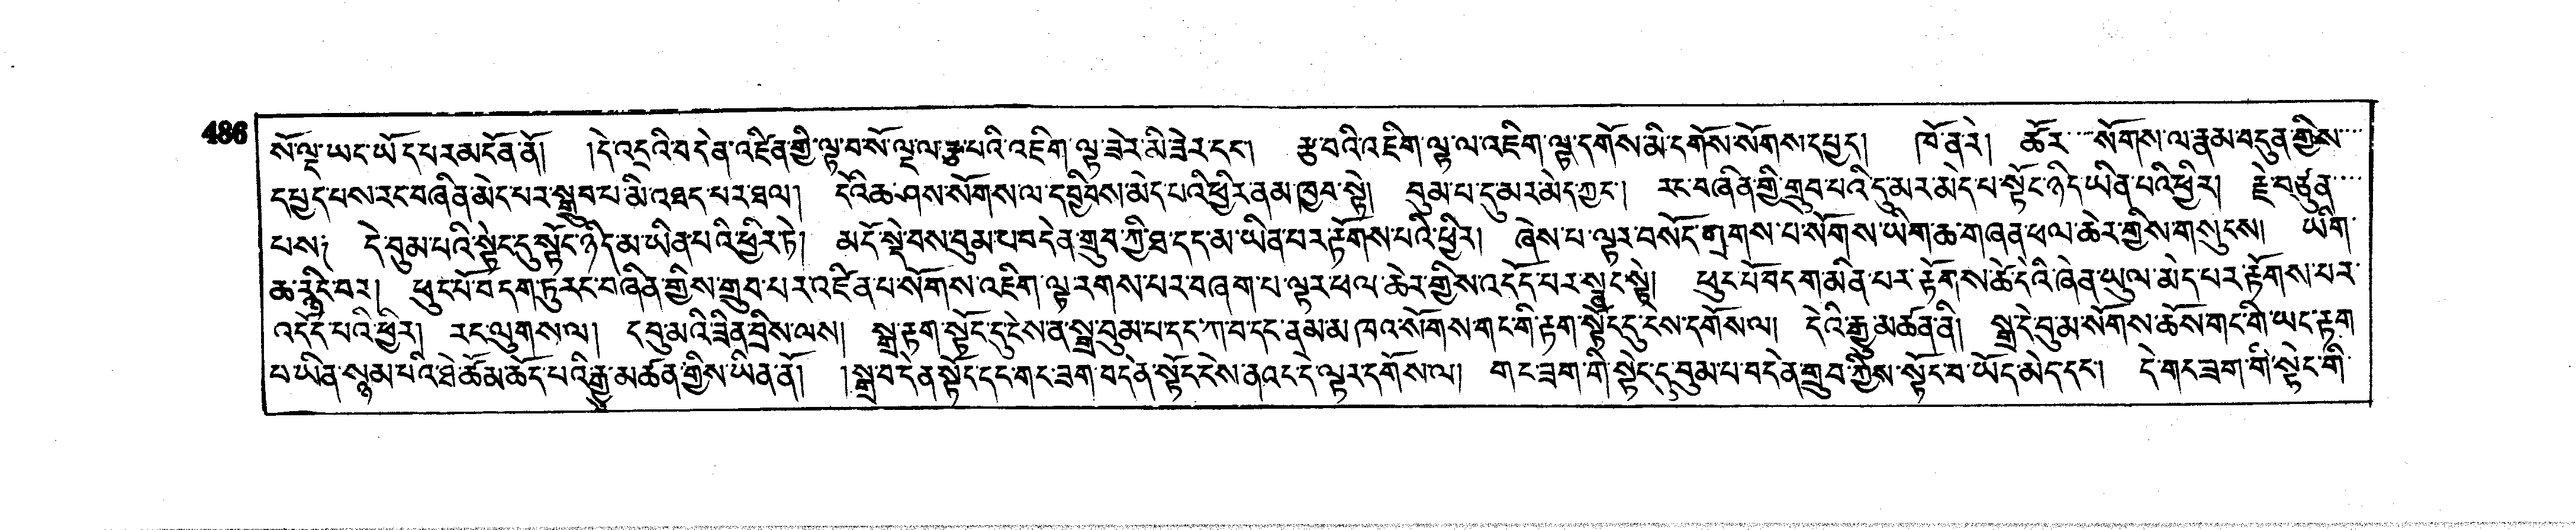སོ་ལྔ་ཡང་ཡོད་པར་མངོན་ནོ། །དེ་འདྲའི་བདེན་འཛིན་གྱི་ལྟ་བ་སོ་ལྔ་ལ་རྩ་བའི་འཇིག་ལྟ་ཟེར་མི་ཟེར་དང་། རྩ་བའི་འཇིག་ལྟ་ལ་འཇིག་ལྟ་དགོས་མི་དགོས་སོགས་དཔྱད། ཁོ་ན་རེ། ཚོར་སོགས་ལ་རྣམ་བདུན་གྱིས་
དཔྱད་པས་རང་བཞིན་མེད་པར་སྒྲུབ་པ་མི་འཐད་པར་ཐལ། དེའི་ཆ་ཤས་སོགས་ལ་དབྱིབས་མེད་པའི་ཕྱིར་ནམ་ཁྱབ་སྟེ། བུམ་པ་དུ་མར་མེད་ཀྱང་། རང་བཞིན་གྱི་གྲུབ་པའི་དུ་མར་མེད་པ་སྟོང་ཉིད་ཡིན་པའི་ཕྱིར། རྗེ་བཙུན་
པས། དེ་བུམ་པའི་སྟེང་དུ་སྟོང་ཉིད་མ་ཡིན་པའི་ཕྱིར་ཏེ། མདོ་སྡེ་བས་བུམ་པ་བདེན་གྲུབ་ཀྱི་ཐ་དད་མ་ཡིན་པར་རྟོགས་པའི་ཕྱིར། ཞེས་པ་ལྟར་བསོད་གྲགས་པ་སོགས་ཡིག་ཆ་གཞན་ཕལ་ཆེར་གྱིས་གསུངས། ཡིག་
ཆ་རྙིང་བར། ཕུང་པོ་བདག་ཏུ་རང་བཞིན་གྱིས་གྲུབ་པར་འཛིན་པ་སོགས་འཇིག་ལྟ་རགས་པར་བཞག་པ་ལྟར་ཕལ་ཆེར་གྱིས་འདོད་པར་སྣང་སྟེ། ཕུང་པོ་བདག་མིན་པར་རྟོགས་ཚེ་དེའི་ཞེན་ཡུལ་མེད་པར་རྟོགས་པར་
འདོད་པའི་ཕྱིར། རང་ལུགས་ལ། དབུ་མའི་ཟིན་བྲིས་ལས། སྒྲ་རྟག་སྟོང་དུ་ངེས་ན་སྒྲ་བུམ་པ་དང་ཀ་བ་དང་ནམ་མཁའ་སོགས་གང་གི་རྟག་སྟོང་དུ་ངེས་དགོས་ལ། དེའི་རྒྱུ་མཚན་ནི། སྒྲ་དེ་བུ་མ་སོགས་ཆོས་གང་གི་ཡང་རྟག་
པ་ཡིན་སྙམ་པའི་ཐེ་ཚོམ་ཆོད་པའི་རྒྱུ་མཚན་གྱིས་ཡིན་ནོ། །སྒྲ་བདེན་སྟོང་དང་གང་ཟག་བདེན་སྟོང་ངེས་ནའང་དེ་ལྟར་དགོས་ལ། གང་ཟག་གི་སྟེང་དུ་བུམ་པ་བདེན་གྲུབ་ཀྱིས་སྟོང་བ་ཡོད་མེད་དང་། དེ་གང་ཟག་གི་སྟེང་གི་